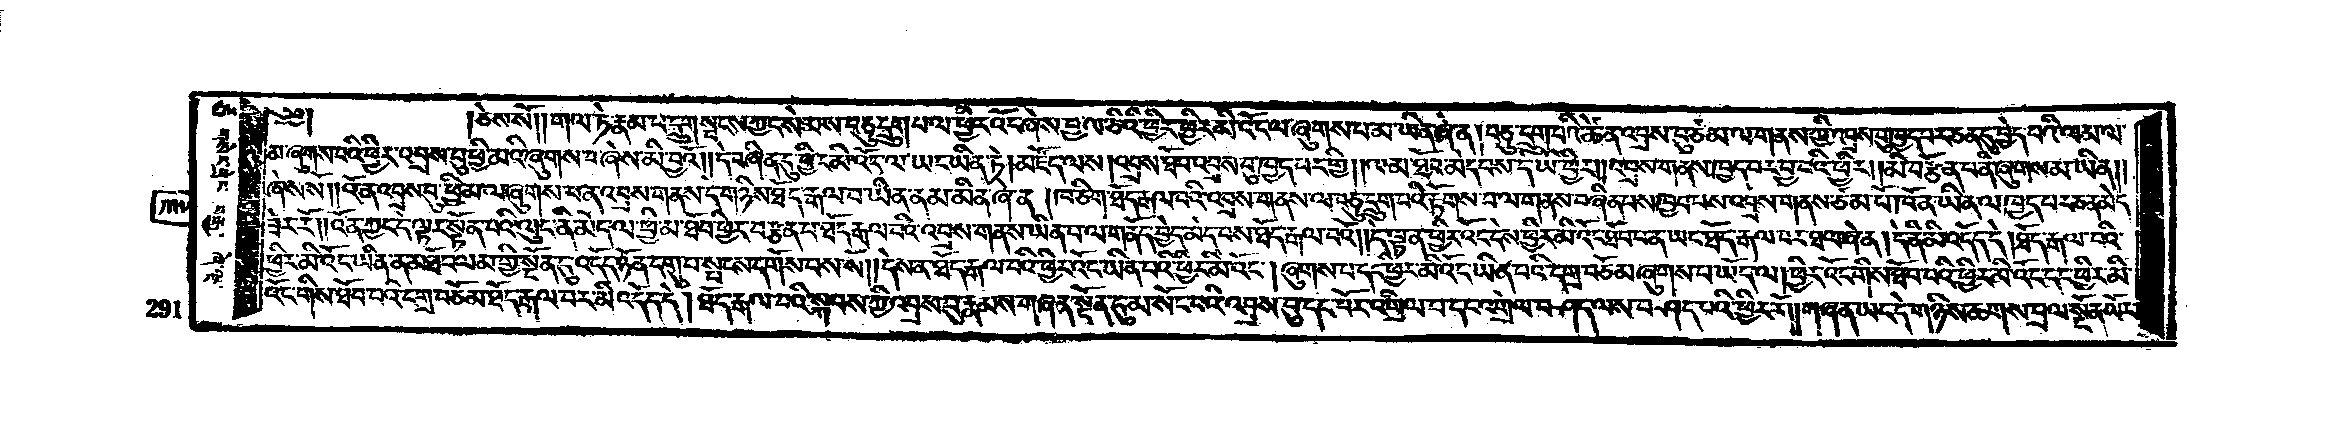༄༅། །ཅེས་སོ། །གལ་ཏེ་རྣམ་པ་དྲུག་སྤངས་ཀྱང་སེམས་བཅུ་དྲུག་པ་ལ་ཕྱིར་འོང་ཞེས་བྱ་ལ་ཅིའི་ཕྱིར་ཕྱིར་མི་འོང་ལ་ཞུགས་པ་མ་ཡིན་ཞེ་ན། བཅུ་དྲུག་པའི་ཚེ་ན་འབྲས་བུ་ཙམ་ལ་གནས་ཀྱི་འབྲས་བུ་ཁྱད་པར་ཅན་དུ་བྱེད་པའི་ལམ་ལ་
མ་ཞུགས་པའི་ཕྱིར་འབྲས་བུ་ཕྱི་མའི་ཞུགས་པ་ཞེས་མི་བྱའོ། །དེ་བཞིན་དུ་ཕྱིར་མི་འོང་ལ་ཡང་ཡིན་ཏེ། མཛོད་ལས། འབྲས་ཐོབ་འབྲས་བུ་ཁྱད་པར་གྱི། །ལམ་ཐོབ་མེད་པས་དེ་ཡི་ཕྱིར། །འབྲས་གནས་ཁྱད་པར་བྱ་བའི་ཕྱིར། །མི་བརྩོན་པ་ནི་ཞུགས་མ་ཡིན། །
ཞེས་སོ། །འོ་ན་འབྲས་བུ་ཕྱི་མ་ལ་ཞུགས་པ་ན་འབྲས་གནས་དེ་གཉིས་ཐོད་རྒལ་བ་ཡིན་ན་མ་ཡིན་ཞེ་ན། ཁ་ཅིག་ཐོད་རྒལ་བའི་འབྲས་གནས་ལ་བཅུ་དྲུག་པའི་རྟོགས་པ་ལ་གནས་བཞིན་པས་ཁྱབ་པས་འབྲས་གནས་ཙམ་པོ་ཁོ་ན་ཡིན་ལ་ཁྱད་པར་ཅན་མེད་
ཟེར་རོ། །འོན་ཀྱང་དེ་ལྟར་སྟོན་པའི་ལུང་ནི་མེད་ལ་ཕྱི་མ་ཐོབ་ཕྱིར་བརྟོན་པ་ཐོད་རྒལ་བའི་འབྲས་གནས་ཡིན་པ་ལ་གནོད་བྱེད་མེད་པས་ཐོད་རྒལ་བའོ། །དེ་ལྟ་ན་ཕྱིར་འོང་དེས་ཕྱིར་མི་འོང་ཐོབ་པ་ན་ཡང་ཐོད་རྒལ་བར་ཐལ་ཞེ་ན། དེ་ནི་མི་འདོད་དེ། ཐོད་རྒལ་བའི་
ཕྱིར་མི་འོང་ཡིན་ན་མཐོག་ལམ་གྱི་སྔོན་དུ་འདོད་ཉོན་དགུ་པ་སྤངས་དགོས་པས་སོ། །དེས་ན་ཐོད་རྒལ་བའི་ཕྱིར་འོང་ཡིན་པའི་ཕྱིར་མི་འོང་། ཞུགས་པ་དང་ཕྱིར་མི་འོང་ཡིན་པའི་དགྲ་བཙམ་ཞུགས་པ་ཡོད་ལ། ཕྱིར་འོང་གིས་ཐོབ་པའི་ཕྱིར་མི་འོང་དང་ཕྱིར་མི་
འོང་གིས་ཐོབ་པའི་དགྲ་བཅོམ་ཐོད་རྒལ་བར་མི་འདོད་དེ། ཐོད་རྒལ་བའི་སྐབས་ཀྱི་འབྲས་བུ་རྣམས་གཞན་སྔོན་དུ་མ་སོང་བའི་འབྲས་བུ་དང་པོར་འགྲེལ་པ་དང་འགྲེལ་བཤད་ལས་བཤད་པའི་ཕྱིར་རོ། །གཞན་ཡང་དེ་གཉིས་ཆགས་བྲལ་སྔོན་སོང་